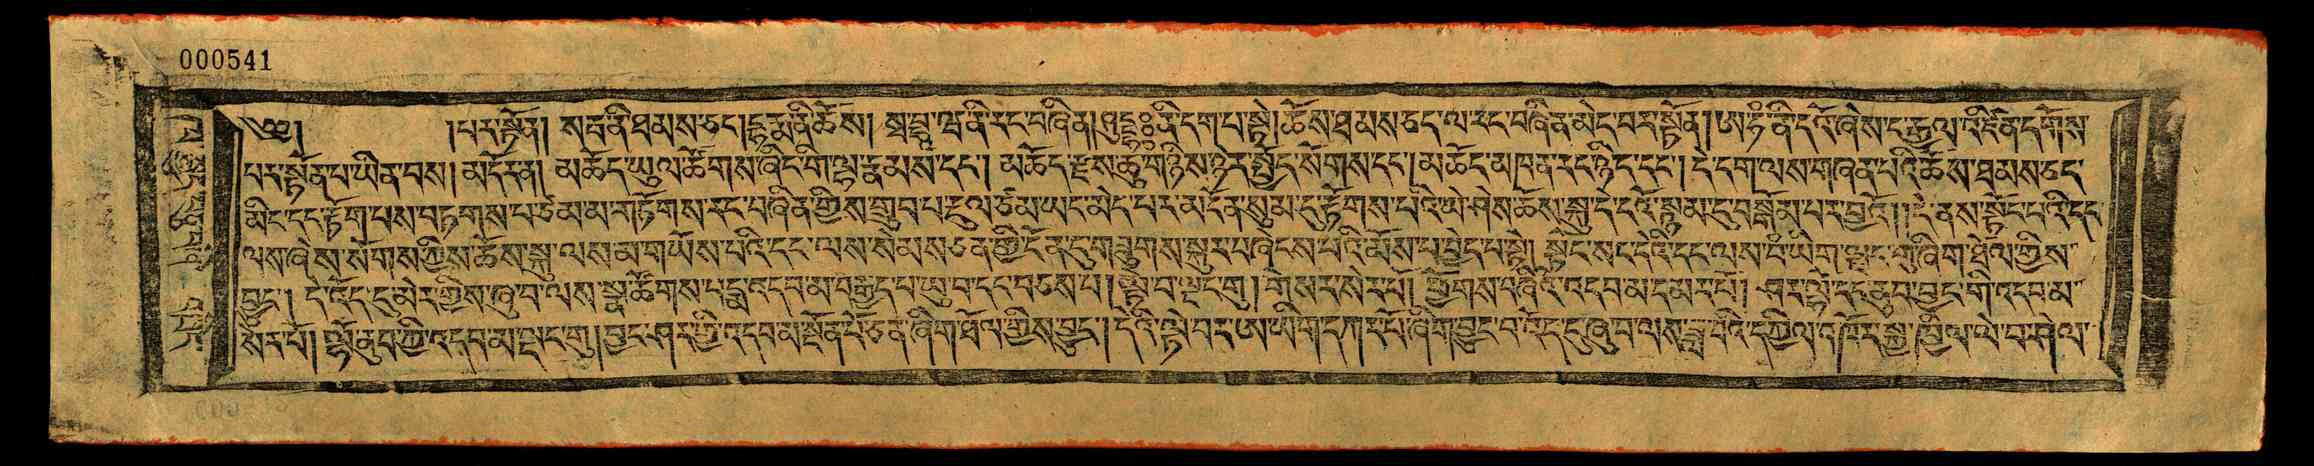༄༅། །པར་སྟོན། སརྦ་ནི་ཐམས་ཅད། དྷ་རྨ་ནི་ཆོས། སྭ་བྷཱ་ཝ་ནི་རང་བཞིན། ཤུདྡྷཿ ནི་དག་པ་སྟེ། ཆོས་ཐམས་ཅད་ལ་རང་བཞིན་མེད་པར་སྟོན། ཨ་ཧཾ་ནི་ངའོ་ཞེས་ང་རྒྱལ་འཛིན་དགོས་
པར་སྟོན་པ་ཡིན་པས། མདོར་ན། མཆོད་ཡུལ་ཚོགས་ཞིང་གི་ལྷ་རྣམས་དང་། མཆོད་རྫས་ཆུ་གཉིས་ཉེར་སྤྱོད་སོགས་དང་། མཆོད་མཁན་རང་ཉིད་དང་། དེ་དག་ལས་གཞན་པའི་ཆོས་ཐམས་ཅད་
མིང་དང་རྟོག་པས་བཏགས་པ་ཙམ་མ་གཏོགས་རང་བཞིན་གྱིས་གྲུབ་པ་རྡུལ་ཙམ་ཡང་མེད་པར་མངོན་སུམ་དུ་རྟོགས་པའི་ཡེ་ཤེས་ཆོས་སྐུ་དེ་ངའོ་སྙམ་དུ་བསྒོམ་པར་བྱའོ། །དེ་ནས་སྟོང་པའི་ངང་
ལས་ཞེས་སོགས་ཀྱིས་ཆོས་སྐུ་ལས་མ་གཡོས་པའི་ངང་ལས་སེམས་ཅན་གྱི་དོན་དུ་གཟུགས་སྐུར་བཞེངས་པའི་མོས་པ་བྱེད་པ་སྟེ། སྟོད་སང་དེའི་ངང་ལས་བཾ་ཡིག་ལྗང་གུ་ཞིག་ཐོལ་གྱིས་
བྱུང༑ དེ་འོད་དུ་མེད་གྱིས་ཞུ་བ་ལས་སྣ་ཚོགས་པདམ་འདབ་མ་བརྒྱད་པ་ཡུ་བ་དང་བཅས་པ། ལྟེ་བ་ལྗང་གུ། གསེར་སེར་པོ། ཕྱོགས་བཞིའི་འདབ་མ་དམར་པོ། ཤར་ལྷོ་དང་ནུབ་བྱང་གི་འདབ་མ་
སེར་པོ། ལྷོ་ནུབ་ཀྱི་འདབ་མ་ལྗང་གུ། བྱང་ཤར་གྱི་འདབ་མ་སྔོན་པོ་ཅན་ཞིག་ཐོལ་གྱིས་བྱུང་། དེའི་ལྟེ་བར་ཨ་ཡིག་དཀར་པོ་ཞིག་བྱུང་བ་འོད་དུ་ཞུ་བ་ལས་ཟླ་བའི་དཀྱིལ་འཁོར་སྐྱ་ཁྱིལ་ལེ་བཤེལ་